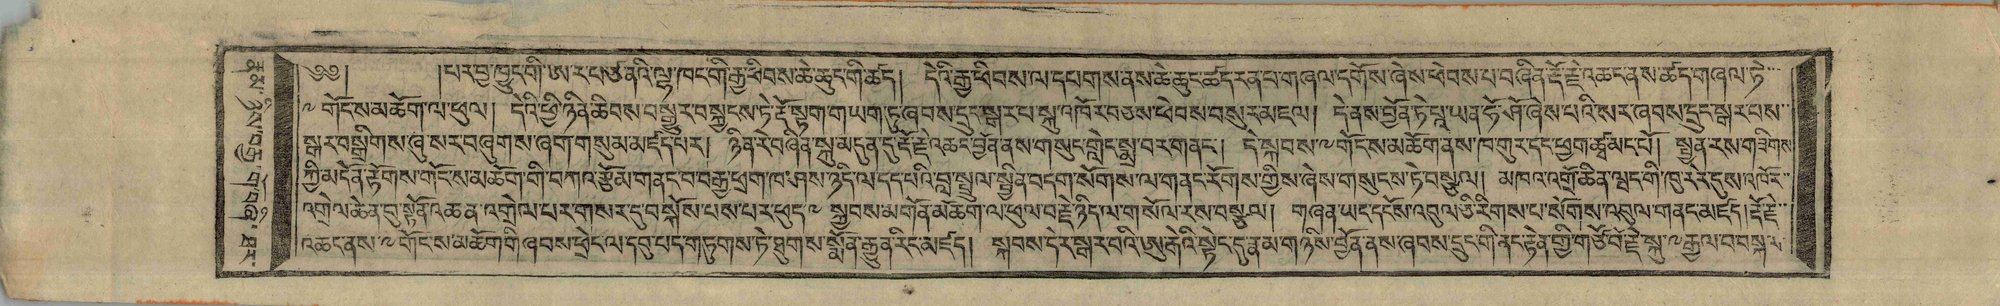༄༅། །པར་བྱ་ཁྱུང་གི་ཨ་ར་པ་ཙ་ནའི་ལྷ་ཁང་གི་རྒྱ་ཕིབས་ཆེ་ཆུང་གི་ཚད། དེའི་རྒྱ་ཕིབས་ལ་དཔགས་ནས་ཆེ་ཆུང་ཚད་རན་པ་གཞལ་དགོས་ཞེས་ཕེབས་པ་བཞིན་རྡོ་རྗེ་འཆང་ནས་ཚད་གཞལ་ཏེ་
༧གོང་ས་མཆོག་ལ་ཕུལ། དེའི་ཕྱི་ཉིན་ཆིབས་བསྒྱུར་བསྐྱངས་ཏེ་རྡོ་སྟག་གཡག་ཏུ་ཞབས་དྲུང་སྒར་བ་སྐུ་འཁོར་བཅས་ཕེབས་བསུར་མཇལ། དེ་ནས་བྱོན་ཏེ་པཱ་ཡན་ཧོ་ཤོ་ཞེས་པའི་སར་ཞབས་དྲུང་སྒར་པས་
སྒར་བསྒྲིགས་ཞུ་སར་བཞུགས་ཞག་གསུམ་མཛད་པར། ཉིན་རེ་བཞིན་སྐུ་མདུན་དུ་རྡོ་རྗེ་འཆང་བྱོན་ནས་གསུང་གླེང་སྨྲ་བར་གནང་། དེ་སྐབས་༧གོང་ས་མཆོག་ནས་ཁ་གུར་དང་ཕྱག་ཚྭ་མང་པོ། སྤྱན་རས་གཟིགས་
ཀྱི་མངོན་རྟོགས་གོང་ས་མཆོག་གི་བཀའ་རྩོམ་གནང་བ་བརྒྱ་ཕྲག་ཁ་ཤས་ཉིད་ལ་དད་པའི་བླ་སྤྲུལ་སྦྱིན་བདག་སོགས་ལ་གནང་རོགས་ཀྱིས་ཞེས་གསུངས་ཏེ་བསྩལ། མཁའ་འགྲོ་ཆིན་ཝང་གི་ཁུ་རོར་དུས་འཁོར་
འགྲེལ་ཆེན་བུ་སྟོན་འཆན་འགྲེལ་པར་གསར་དུ་བསྐོས་པས་པར་ཕུད་༧སྐྱབས་མགོན་མཆོག་ལ་ཕུལ་བ་རྗེ་ཉིད་ལ་གསོལ་རས་བསྩལ། གཞན་ཡང་དངོས་འབུལ་ཅི་རིགས་པ་སོགས་འབུལ་གནང་མཛད། རྡོ་རྗེ་
འཆང་ནས་༧གོང་ས་མཆོག་གི་ཞབས་ཕྲེང་ལ་དབུ་པད་གཏུགས་ཏེ་ཐུགས་སྨོན་རྒྱུན་རིང་མཛད། སྐབས་དེར་སྒར་བའི་ཨུརྒེའི་སྟེང་དུ་རྣམ་གཉིས་བྱོན་ནས་ཞབས་དྲུང་གི་ནང་རྟེན་གྱི་གཙོ་བོ་རྗེ་སྐུ་༧རྒྱལ་བ་བསྐལ་